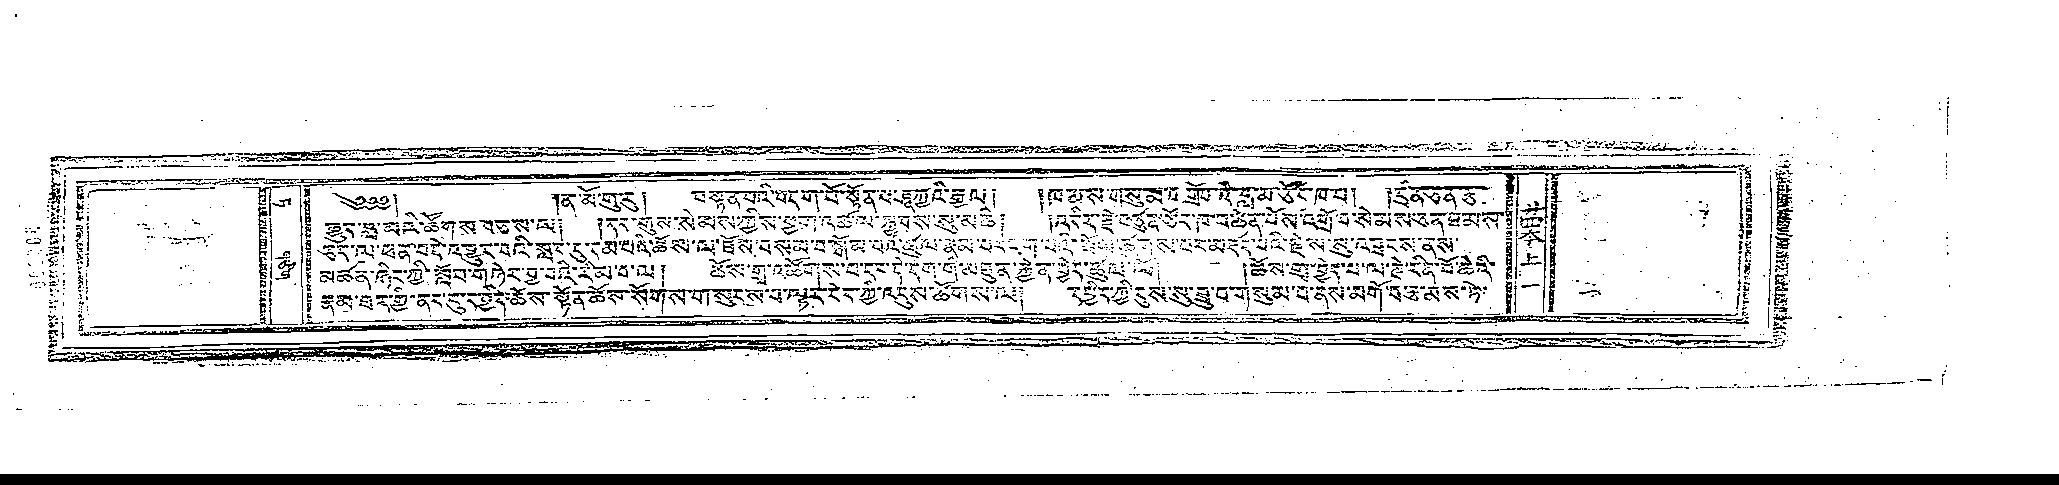༄༅༅། །ན་མོ་གུ་རུ། བསྟན་པའི་བདག་པོ་སྟོན་པ་ཤཱཀྱའི་རྒྱལ། །ཁམས་གསུམ་འགྲོ་བའི་བླ་མ་ཙོང་ཁ་པ། །དྲིན་ཅན་རྩ་
རྒྱུད་བླ་མའི་ཚོགས་བཅས་ལ། །དང་གུས་སེམས་ཀྱིས་ཕྱག་འཚལ་སྐྱབས་སུ་མཆི། །འདིར་རྗེ་བཙུན་ཙོང་ཁ་པ་ཆེན་པོས་འགྲོ་བ་སེམས་ཅན་ཐམས་
ཅད་ལ་ཕན་པའི་འབྱུང་བའི་སླད་དུ་དམ་བའི་ཆོས་ལ་ཐོས་བསམ་བསྒོམ་པའི་ཚུལ་རྣམ་པར་དག་པའི་སྲོལ་ཚུགས་པར་མཛད་པའི་རྗེས་སུ་འབྲངས་ནས་
མཚན་ཉིད་ཀྱི་སློབ་གཉེར་བྱ་བའི་རིམ་པ་ལ། ཆོས་གྲྭ་འཚོགས་པ་དང་དེ་དག་གི་མཐུན་རྐྱེན་བྱེད་ཚུལ་ལོ། །ཆོས་གྲྭ་བྱེད་པ་ལ་རྗེ་རིན་པོ་ཆེའི་
རྣམ་ཐར་གྱི་ནང་དུ་དཔྱིད་ཆོས་སྟོན་ཆོས་སོགས་གསུངས་བ་ལྟར་དེར་གྱི་འདུས་ཚོགས་ལ། དཔྱིང་ཀྱི་དུས་སུ་ཟུ་བ་གསུམ་པ་ནས་མགོ་བརྩམས་ཏེ་